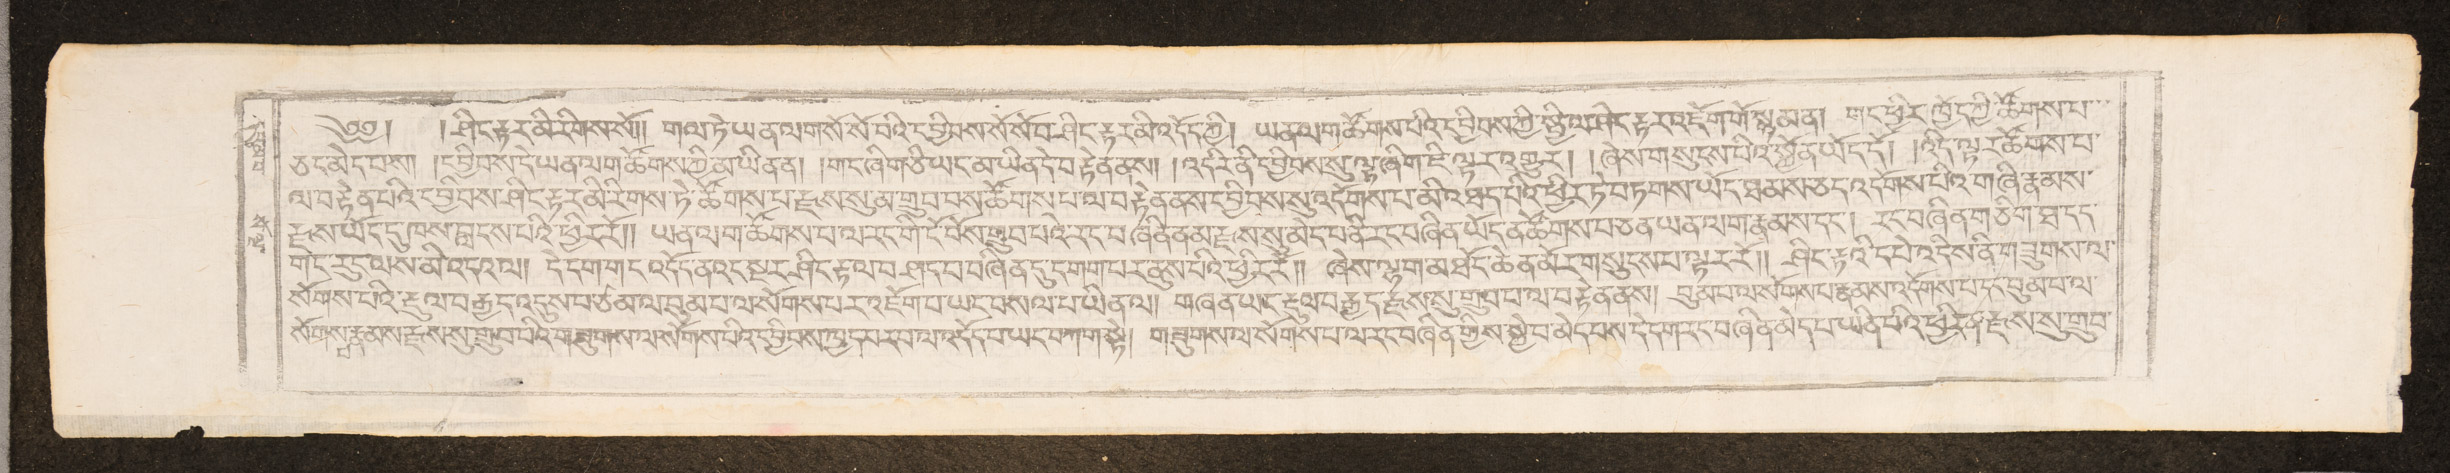༄༅། །ཤིང་རྟར་མི་རིགས་སོ།། གལ་ཏེ་ཡན་ལག་སོ་སོ་བའི་དབྱིབས་སོ་སོ་བ་ཤིང་རྟར་མི་འདོད་ཀྱི། ཡན་ལག་ཚོགས་པའི་དབྱིབས་ཀྱི་སྤྱི་ལ་ཤིང་རྟར་འཇོག་གོ་སྙམ་ན། གང་ཕྱིར་ཁྱོད་ཀྱི་ཚོགས་པ་
ཅད་མེད་པས། །དབྱིབས་དེ་ཡན་ལག་ཚོགས་ཀྱི་མ་ཡིན་ན། །གང་ཞིག་ཅི་ཡང་མ་ཡིན་དེ་བརྟེན་ནས། །འདིར་ནི་དབྱིབས་སུ་ལྟ་ཞིག་ཇི་ལྟར་འགྱུར། །ཞེས་གསུངས་པའི་སྐྱོན་ཡོད་དོ། །འདི་ལྟར་ཚོགས་པ་
ལ་བརྟེན་པའི་དབྱིབས་ཤིང་རྟར་མི་རིགས་ཏེ་ཚོགས་པ་རྫས་སུ་མ་གྲུབ་པས་ཚོགས་པ་ལ་བརྟེན་ནས་དབྱིབས་སུ་འདོགས་པ་མི་འཐད་པའི་ཕྱིར་ཏེ་བཏགས་ཡོད་ཐམས་ཅད་འདོགས་པའི་གཞི་རྣམས་
རྫས་ཡོད་དུ་ཁས་བླངས་པའི་ཕྱིར་རོ།། ཡན་ལག་ཚོགས་པ་ལ་རང་གི་ངོ་བོས་གྲུབ་པའི་རང་བཞིན་ནམ་རྫས་སུ་མེད་པ་ནི་རང་བཞིན་ཡོད་ན་ཚོགས་པ་ཅན་ཡན་ལག་རྣམས་དང་། རང་བཞིན་གཅིག་ཐ་དད་
གང་རུང་ལས་མི་འདའ་ལ། དེ་དག་གང་འདོད་ནའང་སྔར་ཤིང་རྟ་ལ་བཤད་པ་བཞིན་དུ་དགག་པར་ནུས་པའི་ཕྱིར་རོ།། ཞེས་ལྷག་མཐོང་ཆེན་མོར་གསུངས་པ་ལྟར་རོ།། ཤིང་རྟའི་དཔེ་འདིས་ནི་གཟུགས་ལ་
སོགས་པའི་རྡུལ་བརྒྱད་འདུས་པ་ཙམ་ལ་བུམ་པ་ལ་སོགས་པར་འཇོག་པ་ཡང་བསལ་པ་ཡིན་ལ། གཞན་ཡང་རྡུལ་བརྒྱད་རྫས་སུ་གྲུབ་པ་ལ་བརྟེན་ནས། བུམ་པ་ལ་སོགས་པ་རྣམས་འདོགས་པ་དང་བུམ་པ་ལ་
སོགས་རྣམས་རྫས་སུ་གྲུབ་པའི་གཟུགས་ལ་སོགས་པའི་དབྱིབས་ཁྱད་པར་བ་ལ་འདོད་པ་ཡང་བཀག་སྟེ། གཟུགས་ལ་སོགས་པ་ལ་རང་བཞིན་གྱིས་སྐྱེ་བ་མེད་པས་དེ་དག་རང་བཞིན་མེད་པ་ཡིན་པའི་ཕྱིར་ན་རྫས་སུ་གྲུབ་